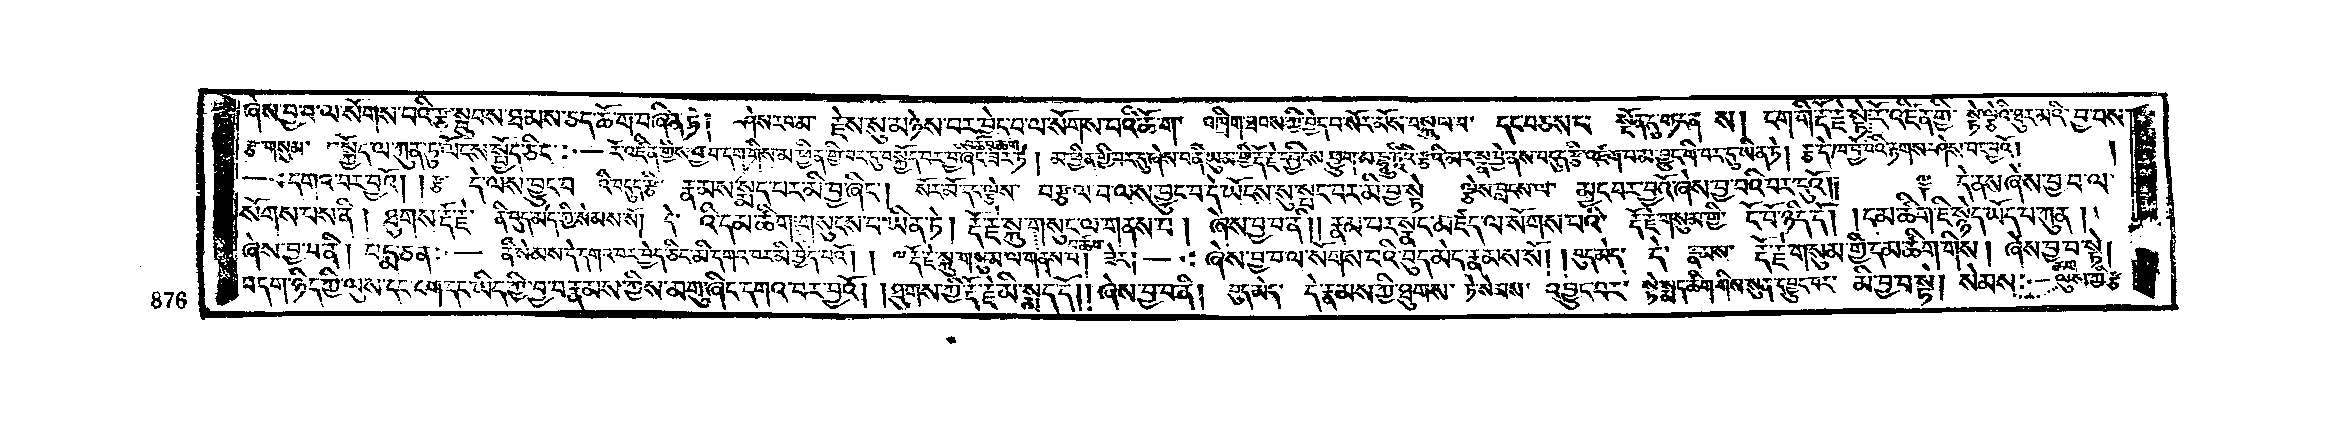ཞེས་བྱ་བ་ལ་སོགས་པའི་རྩ་སྦུབས་ཐམས་ཅད་ཆོ་ག་བཞིན་ཏེ། ཤེས་རབ་མ་རྗེས་སུ་མཉེས་པར་བྱེད་པ་ལ་སོགས་པའི་ཆོ་ག་འཁྲིག་ཐབས་ཀྱི་བྱེད་པ་སོར་མོས་བསྐུལ་བ་དང་བཅས་པ་སྔོན་དུ་བཏང་ནས། ངག་གི་རྡོ་རྗེ་སྟེ་རོ་འཛིན་གྱི་སྟེ་ལྕེའི་ཐུར་མའི་བྱ་བས་
རྩ་གསུམ་བསྐྱོད་ལ་ཀུན་ཏུ་ལོངས་སྤྱོད་ཅིང་H.་རོ་འཛིན་གྱིས་བྱ་བ་དག་གིས་མ་ཕྱིན་གྱི་བར་དུ་བསྐྱོད་པར་བྱ་ཞིང་ཟེར་ཏེ། མ་ཕྱིན་གྱི་བར་དུ་ཞེས་པ་ནི་ཡུམ་གྱི་རྡོ་རྗེ་དབྱིངས་ཕྱུག་མ་དྷཱུ་ཏཱིའི་རྩའི་མར་སྣ་བྱེ་ནས་བདུད་རྩི་འཇོག་པ་མ་བྱུང་གི་བར་དུ་ཡིན་ཏེ། རྩ་དེ་ཁ་བྱེ་བའི་རྟགས་ཤེས་པར་བྱའོ། །
.H དགའ་བར་བྱའོ། །རྩ་དེ་ལས་བྱུང་བའི་བདུད་རྩི་རྣམས་སྨད་པར་མི་བྱ་ཞིང་། སོར་མོ་དང་ལྕེས་བརྩལ་བ་ལས་བྱུང་བ་དེ་ཡོངས་སུ་སྤང་བར་མི་བྱ་སྟེ་ལྕེས་བླངས་ལ་མྱང་བར་བྱའོ་ཞེས་བྱ་བའི་བར་དུའོ།། ༈ དེ་ནས་ཞེས་བྱ་བ་ལ་
སོགས་པས་ནི། ཐུགས་རྡོ་རྗེ་ནི་བུད་མེད་ཀྱི་སེམས་སོ། དེའི་དམ་ཚིག་གསུངས་པ་ཡིན་ཏེ། རྡོ་རྗེ་སྐུ་གསུང་ལ་གནས་པ། ཞེས་བྱ་བ་ནི། །རྣམ་པར་སྣང་མཛད་ལ་སོགས་པའི་རྡོ་རྗེ་གསུམ་གྱི་ངོ་བོ་ཉིད་དོ། །དམ་ཚིག་ཇི་སྙེད་ཡོད་པ་ཀུན། །
ཞེས་བྱ་བ་ནི། པདམ་ཅནཿ་ནི་སེམས་དེ་དགའ་བར་བྱེད་ཅིང་མི་དགའ་བར་མི་བྱེད་པའོ། །༧རྡོ་རྗེ་སྐུ་གསུམ་ལ་གནས་པ། ཟེར།  H ཞེས་བྱ་བ་ལ་སོགས་པའི་བུད་མེད་རྣམས་སོ། །བུད་མེད་དེ་རྣམས་རྡོ་རྗེ་གསུམ་གྱི་དམ་ཚིག་གིས། ཞེས་བྱ་བ་སྟེ།
བདག་ཉིད་ཀྱི་ལུས་དང་ངག་དང་ཡིད་ཀྱི་བྱ་བ་རྣམས་ཀྱིས་མགུ་ཞིང་དགའ་བར་བྱའོ། །ཐུགས་ཀྱི་རྡོ་རྗེ་མི་སྨད་དོ། །ཞེས་བྱ་བ་ནི། བུད་མེད་དེ་རྣམས་ཀྱི་ཐུགས་ཏེ་སེམས་འབྱུང་བར་སྟེ་སྨོད་ཚིག་གིས་སུན་དབྱུང་བར་མི་བྱ་བ་སྟེ། སེམསཿ་ལུས་ཀྱི་རྩ་